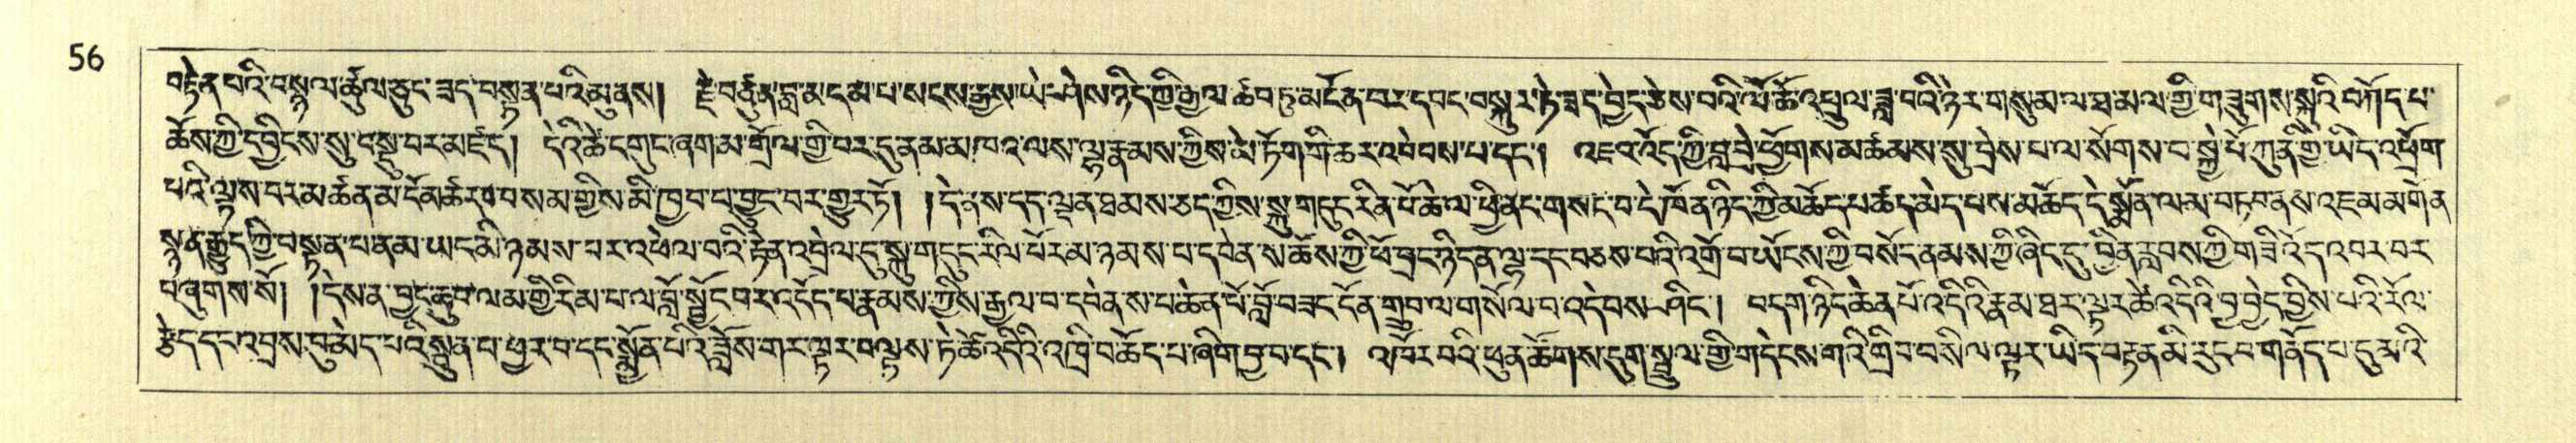བརྟེན་པའི་བསྙལ་ཚུལ་ཅུང་ཟད་བསྟན་པའི་མུ་ནས། རྗེ་བཙུན་བླ་མ་དམ་པ་སངས་རྒྱས་ཡེ་ཤེས་ཉིད་ཀྱི་རྒྱལ་ཚབ་ཏུ་མངོན་བར་དབང་བསྐུར་ཏེ་ཟད་བྱེད་ཅེས་པའི་ཆོ་འཕྲུལ་ཟླ་བའི་ཉེར་གསུམ་ལ་ཐ་མལ་གྱི་གཟུགས་སྐུའི་བཀོད་པ་
ཆོས་ཀྱི་དབྱིངས་སུ་བསྡུ་བར་མཛད། དེའི་ཚེ་དགུང་ཞག་མ་གྲོལ་གྱི་བར་དུ་ནམ་མཁའ་ལས་ལྷ་རྣམས་ཀྱིས་མེ་ཏོག་གི་ཆར་འབེབས་པ་དང་། འཇའ་འོད་ཀྱི་བླ་བྲེ་ཕྱོགས་མཚམས་སུ་བྲེས་པ་ལ་སོགས་པ་སྐྱེ་པོ་ཀུན་གྱི་ཡིད་འཕྲོག་
པའི་ལྟས་བར་མཚན་མ་ངོ་མཚར་བ་བསམ་གྱིས་མི་ཁྱབ་པ་བྱུང་བར་གྱུར་ཏོ། །དེ་ནས་དད་ལྡན་ཐམས་ཅད་ཀྱིས་སྐུ་གདུང་རིན་པོ་ཆེ་ལ་ཕྱི་ནང་གསང་བ་དེ་ཁོ་ན་ཉིད་ཀྱི་མཆོད་པ་ཚད་མེད་པས་མཆོད་དེ་སྨོན་ལམ་བཏབ་ནས་འཇམ་མགོན་
སྙན་རྒྱུད་ཀྱི་བསྟན་པ་ནམ་ཡང་མི་ཉམས་པར་འཕེལ་བའི་རྟེན་འབྲེལ་དུ་སྐུ་གདུང་རིལ་པོར་མ་ཉམས་པ་དབེན་ས་ཆོས་ཀྱི་ཕོ་བྲང་ཉིད་ན་ལྷ་དང་བཅས་པའི་འགྲོ་བ་ཡོངས་ཀྱི་བསོད་ནམས་ཀྱི་ཞིང་དུ་བྱིན་རླབས་ཀྱི་གཟི་འོད་འབར་བར་
བཞུགས་སོ། །དེས་ན་བྱང་ཆུབ་ལམ་གྱི་རིམ་པ་ལ་བློ་སྦྱོང་བར་འདོད་པ་རྣམས་ཀྱིས་རྒྱལ་བ་དབེན་ས་པ་ཆེན་པོ་བློ་བཟང་དོན་གྲུབ་ལ་གསོལ་བ་འདེབས་ཤིང་། བདག་ཉིད་ཆེན་པོ་འདིའི་རྣམ་ཐར་ལྟར་ཚེ་འདིའི་བྱ་བྱེད་བྱིས་པའི་རོལ་
རྩེད་དང་འབྲས་བུ་མེད་པའི་སྤུན་པ་ཕྱར་བ་དང་སྨྱོན་པའི་ཟློས་གར་ལྟར་བལྟས་ཏེ་ཚེ་འདིའི་འཁྲི་བ་ཆོད་པ་ཞིག་བྱ་བ་དང་། འཁོར་བའི་ཕུན་ཚོགས་དུག་སྤྲུལ་གྱི་གདེངས་གའི་གྲིབ་བསིལ་ལྟར་ཡིད་བརྟན་མི་རུང་བ་གནོད་པ་དུ་མའི་